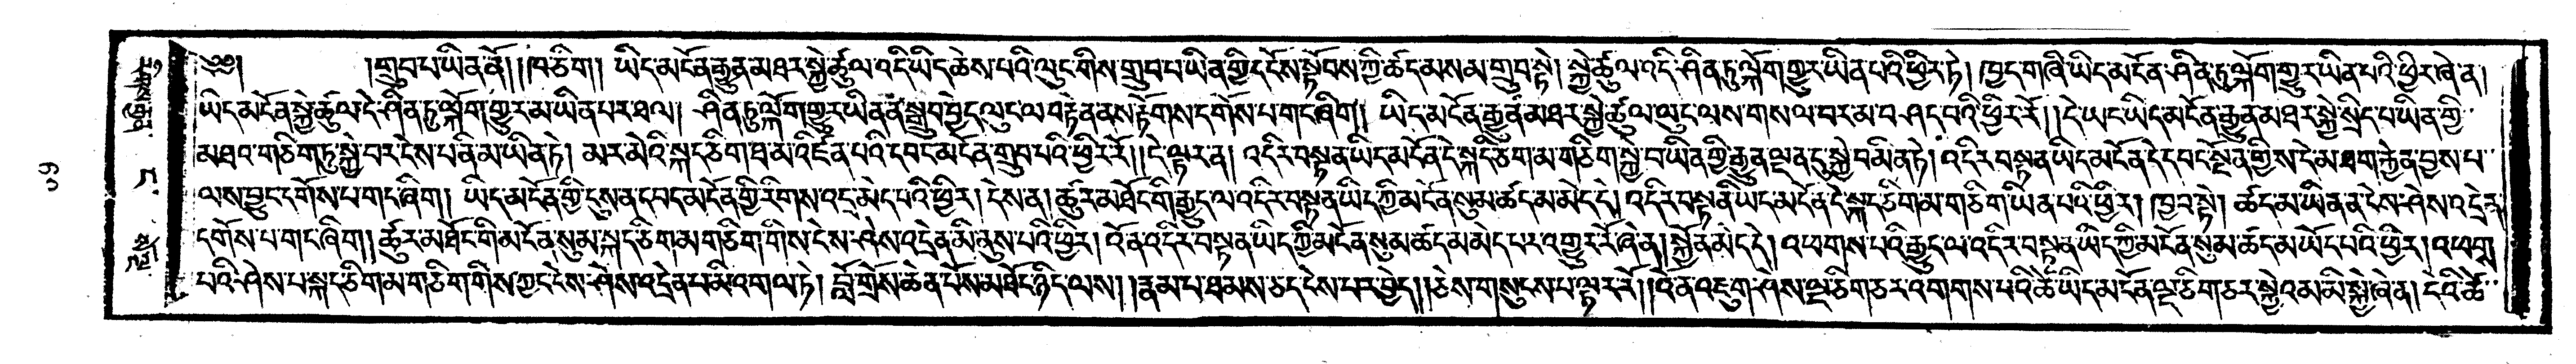༄༅། །གྲུབ་པ་ཡིན་ནོ། །ཁ་ཅིག། ཡིད་མངོན་རྒྱུན་མཐར་སྐྱེ་ཚུལ་འདི་ཡིད་ཆེས་པའི་ལུང་གིས་གྲུབ་པ་ཡིན་གྱི་དངོས་སྟོབས་ཀྱི་ཚད་མས་མ་གྲུབ་སྟེ། སྐྱེ་ཚུལ་འདི་ཤིན་ཏུ་ལྐོག་གྱུར་ཡིན་པའི་ཕྱིར་ཏེ། ཁྱད་གཞི་ཡིད་མངོན་ཤིན་ཏུ་ལྐོག་གྱུར་ཡིན་པའི་ཕྱིར་ཞེ་ན་
ཡིད་མངོན་སྐྱེ་ཚུལ་དེ་ཤིན་ཏུ་ལྐོག་གྱུར་མ་ཡིན་པར་ཐལ། ཤིན་ཏུ་ལྐོག་གྱུར་ཡི་ན་སྒྲུབ་བྱེད་ལུང་ལ་བརྟེན་ནས་རྟོགས་དགོས་པ་གང་ཞིག །ཡིད་མངོན་རྒྱུན་མཐར་སྐྱེ་ཚུལ་ལུང་ལས་གསལ་བར་མ་བཤད་པའི་ཕྱིར་རོ། །དེ་ཡང་ཡིད་མངོན་རྒྱུན་མཐར་སྐྱེ་སྲིད་པ་ཡིན་གྱི་
མཐའ་གཅིག་ཏུ་སྐྱེ་བར་ངེས་པ་ནི་མ་ཡིན་ཏེ། མར་མེའི་སྐད་ཅིག་ཐ་མ་འཛིན་པའི་དབང་མངོན་གྲུབ་པའི་ཕྱིར་རོ། །དེ་ལྟར་ན། འདིར་བསྟན་ཡིད་མངོན་དེ་སྐད་ཅིག་མ་གཅིག་སྐྱེ་བ་ཡིན་གྱི་རྒྱུན་ལྡན་དུ་སྐྱེ་བ་མིན་ཏེ། འདིར་བསྟན་ཡིད་མངོན་དེ་དབང་སྔོན་གྱིས་དེ་མ་ཐག་རྐྱེན་བྱས་པ་
ལས་བྱུང་དགོས་པ་གང་ཞིག །ཡིད་མངོན་གྱི་དུས་ན་དབང་མངོན་གྱི་རིགས་འདྲ་མེད་པའི་ཕྱིར། དེས་ན། ཚུར་མཐོང་གི་རྒྱུད་ལ་འདིར་བསྟན་ཡིད་ཀྱི་མངོན་སུམ་ཚད་མ་མེད་དེ། འདིར་བསྟན་ཡིད་མངོན་དེ་སྐད་ཅིག་མ་གཅིག་ཡིན་པའི་ཕྱིར། ཁྱད་སྟེ། ཚད་མ་ཡིན་ན་ངེས་ཤེས་འདྲེན་
དགོས་པ་གང་ཞིག །ཚུར་མཐོང་གི་མངོན་སུམ་སྐད་ཅིག་མ་གཅིག་གིས་ངེས་ཤེས་འདྲེན་མི་ནུས་པའི་ཕྱིར། འོ་ན་འདིར་བསྟན་ཡིད་ཀྱི་མངོན་སུམ་ཚད་མ་མེད་པར་འགྱུར་རོ་ཞེ་ན། སྐྱོན་མེད་དེ། འཕགས་པའི་རྒྱུད་ལ་འདིར་བསྟན་ཡིད་ཀྱི་མངོན་སུམ་ཚད་མ་ཡོད་པའི་ཕྱིར། འཕགས་
པའི་ཤེས་པ་སྐད་ཅིག་མ་གཅིག་གིས་ཀྱང་ངེས་ཤེས་འདྲེན་པ་མི་འགལ་ཏེ། བློ་གྲོས་ཆེན་པོས་མཐོང་ཉིད་ལས། །རྣམ་པ་ཐམས་ཅད་ངེས་པར་བྱེད། །ཅེས་གསུངས་པ་ལྟར་རོ། །འོ་ན་འཇུག་ཤེས་ལྔ་ཅིག་ཅར་འགགས་པའི་ཚེ་ཡིད་མངོན་ལྔ་ཅིག་ཅར་སྐྱེའམ་མི་སྐྱེ་ཞེ་ན། དེའི་ཚེ་